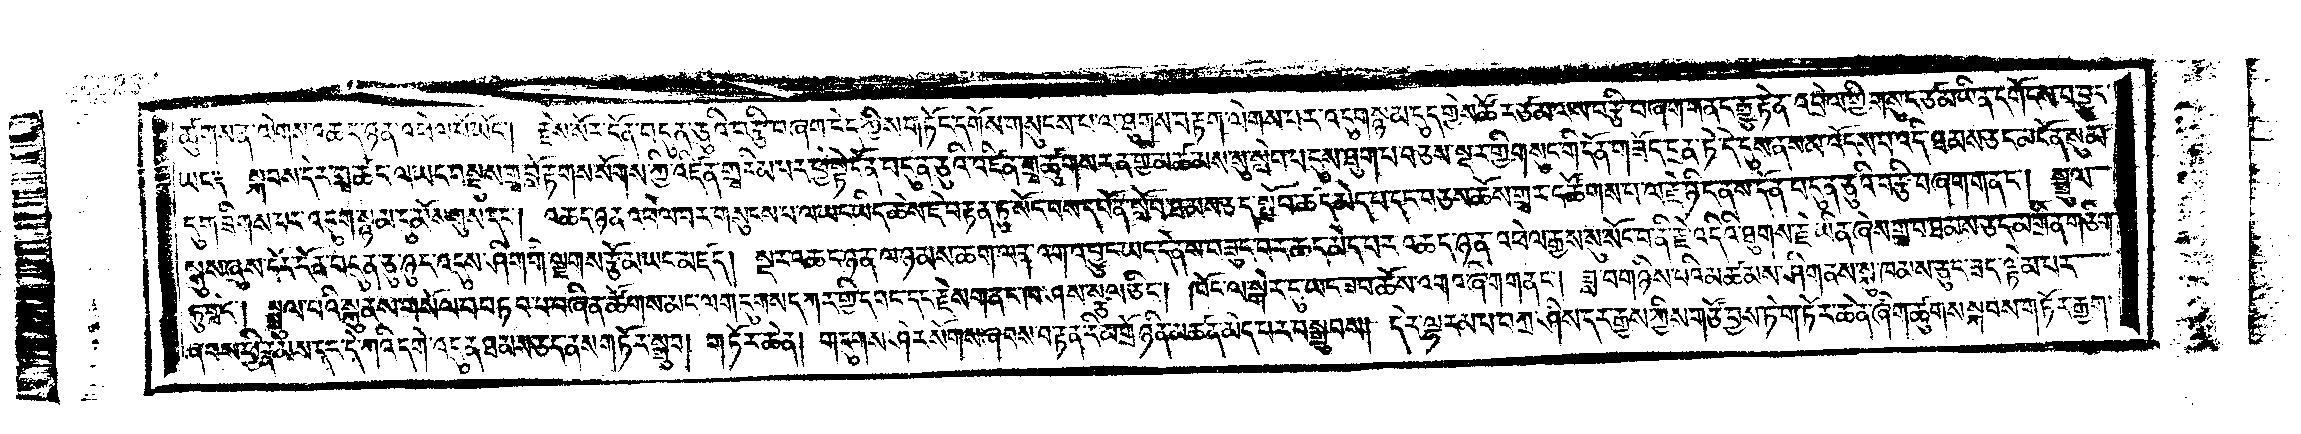ཚུགས་ན་ལེགས་འཆད་ཉན་འཕེལ་པོ་ཡོང་། རྗེས་སོར་དོན་བདུན་ཅུའི་བརྩི་བཞག་ངེད་ཀྱིས་གཏོང་དགོས་གསུངས་པ་ལ་ཐུགས་བརྟག་ལེགས་པར་འདུག་སྙམ་དུ་དགྱེས་ཚོར་ཙམ་ལས་བརྩི་བཞག་གནང་རྒྱུ་རྟེན་འབྲེལ་གྱི་གསུང་ཙམ་ཡིན་དགོངས་པ་བྱུང་
ཡང༑ སྐབས་དེར་གྲྭ་ཚང་ལ་ཡང་བསྡུས་གྲྭ་བློ་རྟགས་སོགས་ཀྱི་འཛིན་གྲྭ་རིམ་པར་ཕྱེ་སྟེ་དོན་བདུན་ཅུའི་འཛིན་གྲྭ་ཚུགས་རན་གྱི་མཚམས་སུ་སླེབ་པ་དུས་ཐུག་པ་བཅས་སྔར་གྱི་གསུང་གི་དོན་གཟོད་དྲན་ཏེ་དེ་དུས་ནས་མ་འོངས་པ་འདི་ཐམས་ཅད་མངོན་སུམ་
དུ་གཟིགས་པར་འདུག་སྙམ་དུ་མོས་གུས་དང་། འཆད་ཉན་འཕེལ་བར་གསུངས་པ་ལ་ཡང་ཡིད་ཆེས་ཇེ་བརྟན་ཏུ་སོང་བས་དཔོན་སློབ་ཐམས་ཅད་སྤྲོ་བ་ཚད་མེད་པ་དང་བཅས་ཆོས་གྲྭར་འཚོགས་པ་ལ་རྗེ་ཉིད་ནས་དོན་བདུན་ཅུའི་བརྩི་བཞག་གནང་། སྤྲུལ་
སྐུས་ཞུས་ངོར་དོན་བདུན་ཅུ་ཉུང་འདུས་ཤིག་གི་ལྗགས་རྩོམ་ཡང་མཛད། སྔར་འཆད་ཉན་ལ་ཉམས་ཆག་ལན་འགའ་བྱུང་ཡང་དེ་ནས་བཟུང་བར་ཆད་མེད་པར་འཆད་ཉན་འཕེལ་རྒྱས་སུ་སོང་བ་ནི་རྗེ་འདིའི་ཐུགས་རྗེ་ཡིན་ཞེས་གྲྭ་བ་ཐམས་ཅད་མགྲིན་གཅིག་
ཏུ་གླེང་། སྤྲུལ་པའི་སྐུ་ནས་གསོལ་བ་བཏབ་པ་བཞིན་ཚོགས་མང་ལ་གདུགས་དཀར་གྱི་དབང་དང་རྗེས་གནང་ཁ་ཤས་སྩལ་ཅིང་། ཁོང་ལ་སྒེར་དུ་ཡང་ཟབ་ཆོས་འགའ་ཞིག་གནང་། ཟླ་བ་གཉིས་པའི་མཚམས་ཤིག་ནས་སྐུ་ཁམས་ཅུང་ཟད་ལྟེམ་པར་
ཞབས་ཕྱི་རྣམས་དང་དེ་ཀའི་དགེ་འདུན་ཐམས་ཅད་ནས་གཏོར་སྒྲུབ། གཏོར་ཆེན། གདུགས་ཤེར་སོགས་ཞབས་བརྟན་རིམ་གྲོ་ཉིན་མཚན་མེད་པར་བསྒྲུབས། དེར་ལྷ་རམ་པ་བཀྲ་ཤིས་དར་རྒྱས་ཀྱིས་གཙོ་བྱས་ཏེ་གཏོར་ཆེན་ཞིག་ཚུགས་སྐབས་གཏོར་རྒྱག་